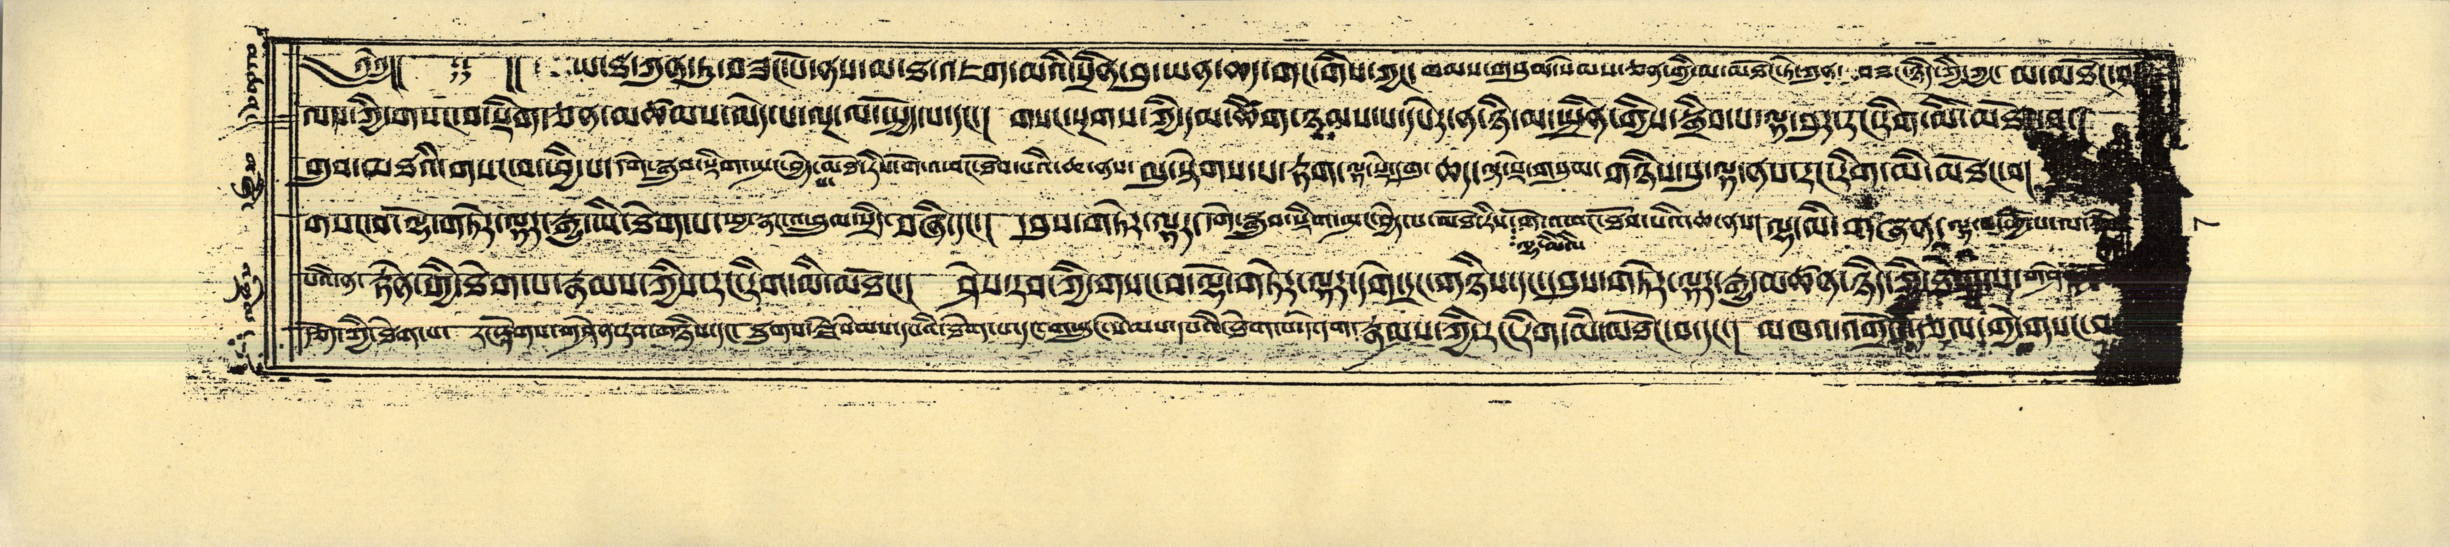ཡ་ཐ་ཀུན་ཏུ་བཟང་པོ་ནས་མ་ཐ་འཇག་མའི་སྲིན་བུ་ཡན་ཆད་གང་གིས་ཀྱང་༼ཁམས་གསུམ་སེམས་ཅན་གྱིས་མ་མཐོང་སྟེ་ཀུན་བཟང་ཉིད་ཀྱི་ཀྱང་༽མ་མཐོང་བ་
ལས་ཀྱི་གསང་བ་སྡིག་ཅན་མཚམས་མེད་པ་ལྔ་ལ་སྤྱོད་པ་དང་། གསང་སྔགས་ཀྱི་དམ་ཚིག་ཉམས་པ་དཔེར་ན་ཉི་མ་སྤྲིན་གྱིས་བསྒྲིབས་པ་ལྟ་བུ་མི་མཐོང་བ། 
གྲུབ་མཐའི་གསང་བ་ཕྱི་པ་༼དགེ་སྒྲུབ་སྡིག་སྤང་བྱེད་པ་མཐོ་རིས་གོ་འཕང་ཐོབ་པའི་ཆ་ནས་༽མུ་སྟེགས་པ་རྟག་༼ལྟ་སྡེ་དགུ༽ཆད་༼ལྟ་སྡེ་གསུམ་༽གཉིས་སུ་ལྟ་ནས་རང་རིག་མི་མཐོང་བ། 
གྲུབ་མཐའི་གསང་བ་ལྷོ་གཏེར་ལྟར་རྒྱུ་ཡི་ཐེག་པ་༼ཕྱྭ་སྣང་འཕྲུལ་སྲིད་༽བཞི་དང་། དབུས་གཏེར་ལྟར་༼དགེ་སྒྲུབ་སྡིག་སྤང་བྱེད་པ་མཐོ་རིས་ལྷ་མིའི་གོ་འཕང་ཐོབ་པའི་ཆ་ནས༽ལྷ་མི་གཞན་༼ལྟ་བ་ཕྱི་པ་ལ་བརྟེན་
པས་ནས༽བརྟེན་གྱི་ཐེག་པ་རྣམས་ཀྱིས་རང་རིག་མི་མཐོང་། ཤེས་རབ་ཀྱི་གསང་བ་ལྷོ་གཏེར་ལྟར་དགེ་དྲང་གཉིས་དང་དབུས་གཏེར་ལྟར་རྒྱུ་མཚན་ཉིད་ཀྱི་ཐེག་པ་༼གཤེན་རབ་
རྣམ་རྩོད་ཀྱི་ཐེག་པ་རང་རྟོགས་གཤེན་རབ་གཉིས་དང་ཐུགས་རྗེ་སེམས་དཔའི་ཐེག་པ་དང་གཡུང་དྲུང་སེམས་དཔའི་ཐེག་པ་དེ་དག་༽རྣམས་ཀྱིས་རང་རིག་མི་མཐོང་བ་དང་། མཁའ་འགྲོའི་རྩལ་གྱིས་གསང་བ་